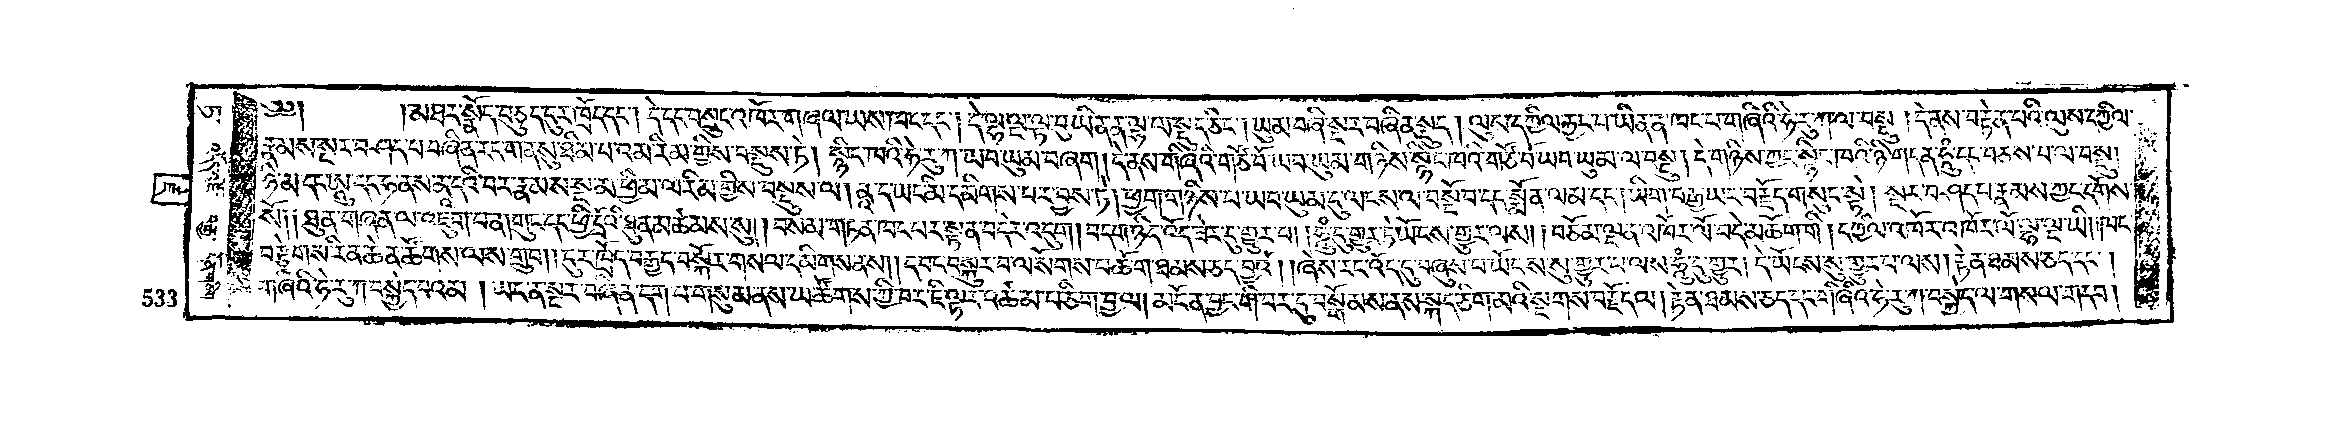༄༅། །མཐར་སྣོད་བཅུད་དུར་ཁྲོད་དང་། དེ་དང་བསྲུང་འཁོར་གཞལ་ཡས་ཁང་དང་། དེ་ལྷ་ལྔ་ལྟ་བུ་ཡིན་ན་ལྷ་ལ་སྡུད་ཅིང་། ཡུམ་བཞི་སྔར་བཞིན་སྡུད། ལུས་དཀྱིལ་རྐྱང་པ་ཡིན་ན་ཁང་པ་གཞིའི་ཧེ་རུ་ཀ་ལ་བསྡུ། དེ་ནས་བརྟེན་པའི་ལུས་དཀྱིལ་
རྣམས་སྔར་བཤད་པ་བཞིན་རང་གནས་སུ་ཐིམ་པ་འམ་རིམ་གྱིས་བསྡུས་ཏེ། སྙིང་ཁའི་ཧེ་རུ་ཀ་ཡབ་ཡུམ་བཞག །དེ་ནས་གཞིའི་གཙོ་བོ་ཡབ་ཡུམ་གཉིས་སྙིང་ཁའི་གཙོ་བོ་ཡབ་ཡུམ་ལ་བསྡུ། དེ་གཉིས་ཀྱང་སྙིང་ཁའི་ཉི་གདན་ཧཱུཾ་དང་བཅས་པ་ལ་བསྡུ།
ཉི་མ་དང་ཨཱུ་དང་ཧ་ནས་ནཱ་དའི་བར་རྣམས་སྔ་མ་ཕྱི་མ་ལ་རིམ་གྱིས་བསྡུས་ལ། ནཱ་ད་ཡང་མི་དམིགས་པར་བྱས་ཏེ། ཕྱག་གཉིས་པ་ཡབ་ཡུམ་དུ་ལངས་ལ་བསྔོ་བ་དང་སྨོན་ལམ་དང་། ཡིག་བརྒྱ་ཡང་བརྗོད་གསུང་སྟེ། སྔར་བཤད་པ་རྣམས་ཀྱང་དགོས་
སོ། །ཐུན་གཞན་ལ་འཇུག་པ་ན། གུང་དང་ཕྱི་དྲོའི་ཐུན་མཚམས་སུ། །བསམ་གཏན་ཁང་པར་སྟན་བདེར་འདུག །བདག་ཉིད་འོད་ཟེར་དུ་གྱུར་པ། །ཧཱུཾ་དུ་གྱུར་ཏེ་ཡོངས་གྱུར་ལས། །བཅོམ་ལྡན་འཁོར་ལོ་བདེ་མཆོག་གི། དཀྱིལ་འཁོར་འཁོར་ལོ་ལྷ་ལྔ་ཡི། །ཁང་
བརྩེགས་རིན་ཆེན་ཚོགས་ལས་གྲུབ། །དུར་ཁྲོད་བརྒྱད་བསྐོར་གསལ་དམིགས་ནས། །དབང་བསྐུར་བ་ལ་སོགས་པ་ཆོ་ག་ཐམས་ཅད་བྱའོ། །ཞེས་རང་འོད་དུ་བཞུས་པ་ཡོངས་སུ་གྱུར་པ་ལས་ཧཱུཾ་དུ་གྱུར། དེ་ཡོངས་སུ་གྱུར་པ་ལས། རྟེན་ཐམས་ཅད་དང་།
གཞིའི་ཧེ་རུ་ཀ་བསྐྱེད་པའམ། ཡང་ན་སྔར་བཞིན་དག་པ་གསུམ་ནས་ཡེ་ཚོགས་ཀྱི་བར་ཇི་ལྟར་འཚམ་པ་ཅིག་བྱ་ལ། མངོན་བྱང་གི་བར་དུ་བསྒོམས་ནས་སྐད་ཅིག་མའི་སྔགས་བརྗོད་ལ། རྟེན་ཐམས་ཅད་དང་གཞིའི་ཧེ་རུ་ཀ་བསྐྱེད་ལ་གསལ་གདབ།